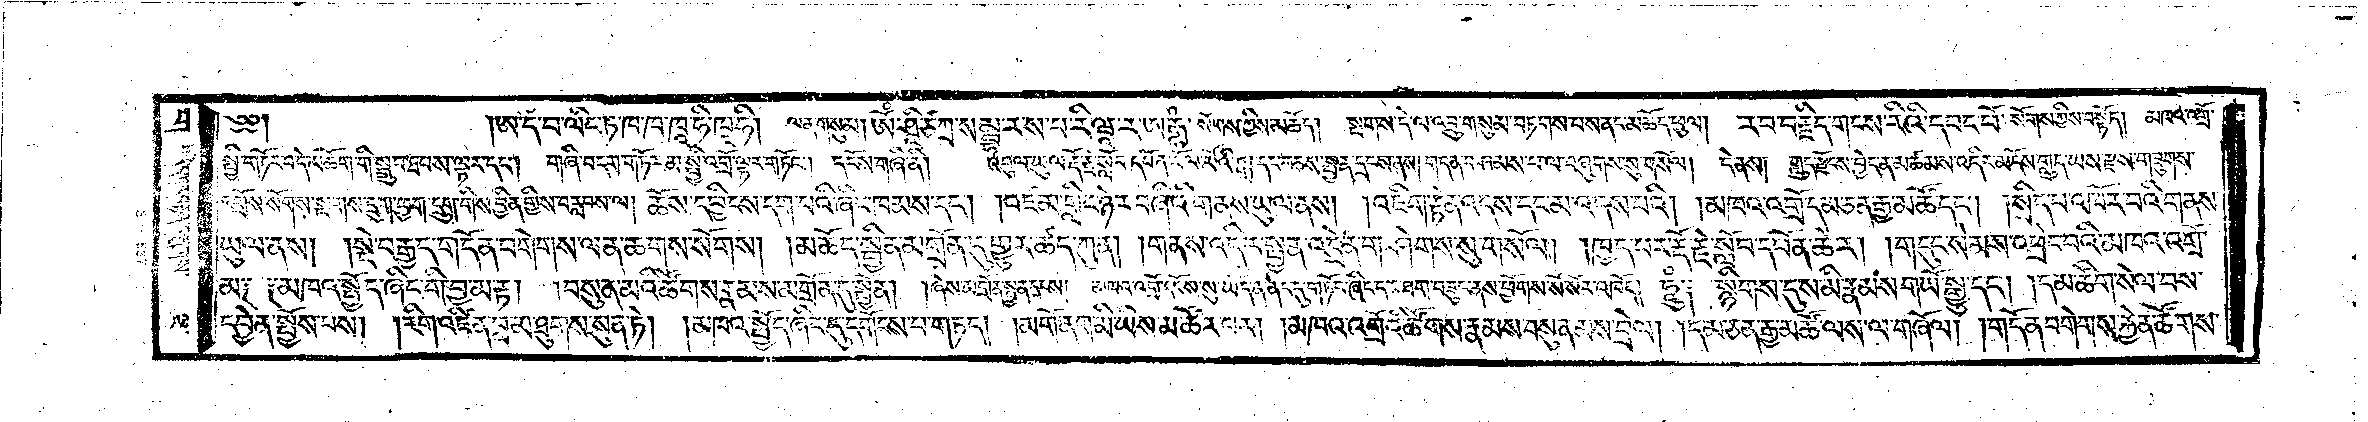༄༅། །ཨ་དཾ་བ་ལིང་ཏ་ཁ་ཁ་ཁཱ་ཧི་ཁཱ་ཧི། ལན་གསུམ།  ཨོཾ་ཤྲཱི་ཙ་ཀྲ་སམྦྷ་ར་ས་པ་རི་ཝཱ་ར་ཨརྒྷཾ་སོགས་ཀྱིས་མཆོད། སྔགས་དེ་ལ་འབྲུ་གསུམ་བཏགས་པས་ནང་མཆོད་ཕུལ།  རབ་བརྗིད་གངས་རིའི་དབང་པོ་སོགས་ཀྱིས་བསྟོད། མཁའ་འགྲོ་
སྤྱི་གཏོར་བདེ་མཆོག་གི་སྒྲུབ་ཐབས་ལྟར་དང་། གཞི་བདག་གཏོར་མ་སྤྱི་འགྲོ་ལྟར་གཏོང་། དངོས་གཞི་ནི། འབུལ་ཡུལ་རྡོ་རྗེ་སློབ་དཔོན་རོལ་མོའི་སྒྲ་དང་བཅས་སྤྱན་དྲངས་ནས། གདན་བཤམས་པ་ལ་བཞུགས་སུ་གསོལ། དེ་ནས། གླུད་རྫོངས་བྱེད་ན་མཚམས་འདིར་མདོས་གླུད་ཡས་རྫས་གཟུགས་
འགྲོས་སོགས་སྔགས་དྲུག་ཕྱག་དྲུག་གིས་བྱིན་གྱིས་བརླབས་ལ། ཆོས་དབྱིངས་དག་པའི་ཞིང་ཁམས་དང་། །འཛམ་གླིང་ཉེར་བཞིའི་གནས་ཡུལ་ནས། །འཇིག་རྟེན་འདས་དང་མ་འདས་པའི། །མཁའ་འགྲོ་དམ་ཅན་རྒྱ་མཚོ་དང་། །སྲིད་པ་འཁོར་བའི་གནས་
ཡུལ་ནས། །སྡེ་བརྒྱད་གདོན་བགེགས་ལན་ཆགས་སོགས། །མཆོད་སྦྱིན་མགྲོན་དུ་གྱུར་ཚད་ཀུན། །གནས་འདིར་སྤྱན་འདྲེན་གཤེགས་སུ་གསོལ། །ཁྱད་པར་རྡོ་རྗེ་སློབ་དཔོན་ཆེར། །གདུང་སེམས་འཕྲེང་བའི་མཁའ་འགྲོ་
མ༑ ༑མཁའ་སྤྱོད་ཞིང་གི་བྱ་མ་རྟ། །བསུན་མའི་ཚོགས་རྣམས་མགྲོན་དུ་སྦྱོན། །ཞེས་མགྲོན་སྤྱན་དྲངས། མཁའ་འགྲོ་དངོས་སུ་ཡོད་ན་ནང་དུ་གཏོང་ཞིང་དར་ཐག་བཟུང་ནས་ཕྱོགས་སོ་སོར་འཁོད།  ཧཱུཾ༑ སྙིགས་དུས་མི་རྣམས་གཡོ་སྒྱུ་དང་། །དམ་ཚིག་སེལ་བས་
དབྱེན་སྤྱོས་པས། །རིག་འཛིན་བླ་མ་ཐུགས་སུན་ཏེ། །མཁའ་སྤྱོད་ཞིང་དུ་དགོངས་པ་གཏད། །མགོ་ནག་མི་ཡིས་མཚོར་བར། །མཁའ་འགྲོའི་ཚོགས་རྣམས་བསུན་མས་བྲེལ། །དམ་ཅན་རྒྱ་མཚོ་ལས་ལ་གཞོལ། །གདོན་བགེགས་རྐྱེན་ཚོགས་